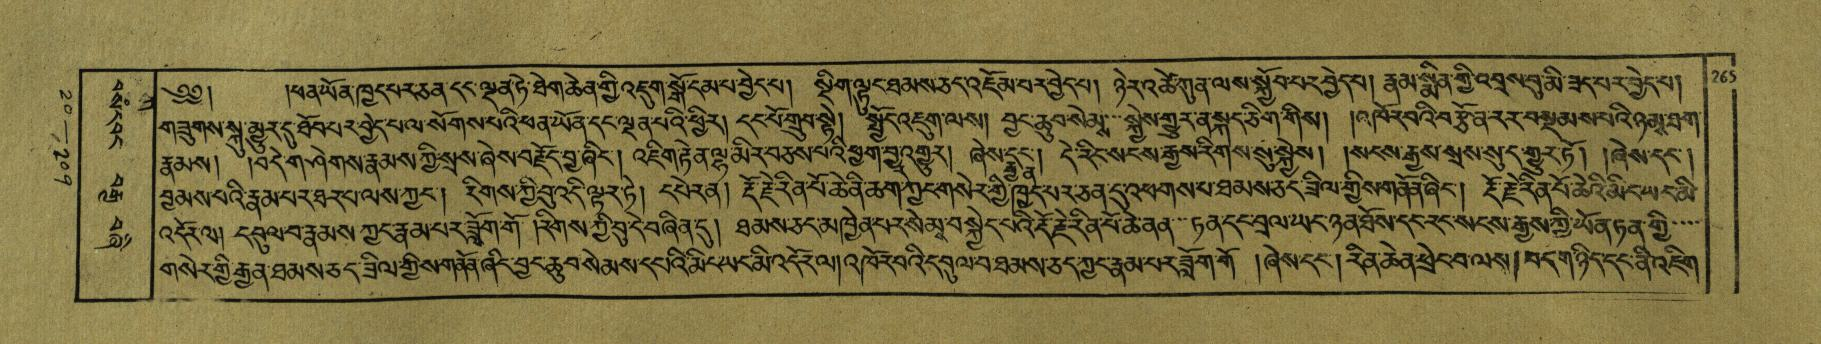༄༅། །ཕན་ཡོན་ཁྱད་པར་ཅན་དང་ལྡན་ཏེ་ཐེག་ཆེན་གྱི་འཇུག་སྒོ་དམ་པ་བྱེད་པ། སྡིག་ལྟུང་ཐམས་ཅད་འཇོམ་པར་བྱེད་པ། ཉེར་འཚེ་ཀུན་ལས་སྐྱོབ་པར་བྱེད་པ། རྣམ་སྨིན་གྱི་འབྲས་བུ་མི་ཟད་པར་བྱེད་པ།
གཟུགས་སྐུ་མྱུར་དུ་ཐོབ་པར་བྱེད་པ་ལ་སོགས་པའི་ཕན་ཡོན་དང་ལྡན་པའི་ཕྱིར། དང་པོ་གྲུབ་སྟེ། སྤྱོང་འཇུག་ལས། བྱང་ཆུབ་སེམས་སྐྱེས་གྱུར་ན་སྐད་ཅིག་གིས། །འཁོར་བའི་བརྩོན་པར་བསྡམས་པའི་ཉམས་ཐག་
རྣམས། །བདེ་གཤེགས་རྣམས་ཀྱི་སྲས་ཞེས་བརྗོད་བྱ་ཞིང་། འཇིག་རྟེན་ལྷ་མིར་བཅས་པའི་ཕྱག་བྱར་འགྱུར། ཞེས་རྒྱན་དང་། དེ་རིང་སངས་རྒྱས་རིགས་སུ་སྐྱེས། །སངས་རྒྱས་སྲས་སུ་ད་གྱུར་ཏོ། །ཞེས་དང་།
བྱམས་པའི་རྣམ་པར་ཐར་པ་ལས་ཀྱང་། རིགས་ཀྱི་བུ་འདི་ལྟར་ཏེ། དཔེར་ན། རྡོ་རྗེ་རིན་པོ་ཆེ་ནི་ཆག་ཀྱང་གསེར་གྱི་ཁྱད་པར་ཅན་དུ་འཕགས་པ་ཐམས་ཅད་ཟིལ་གྱིས་གནོན་ཞིང་། རྡོ་རྗེ་རིན་པོ་ཆེའི་མིང་ཡང་མི་
འདོར་ལ། དབུལ་བ་རྣམས་ཀྱང་རྣམ་པར་ཟློག་གོ །རིགས་ཀྱི་བུ་དེ་བཞིན་དུ། ཐམས་ཅད་མཁྱེན་པར་སེམས་བསྐྱེད་པའི་རྡོ་རྗེ་རིན་པོ་ཆེ་ནན་ཏན་དང་བྲལ་ཡང་ཉན་ཐོས་དང་རང་སངས་རྒྱས་ཀྱི་ཡོན་ཏན་གྱི་
གསེར་གྱི་རྒྱན་ཐམས་ཅད་ཟིལ་གྱིས་གནོན་ཞིང་བྱང་ཆུབ་སེམས་དཔའི་མིང་ཡང་མི་འདོར་ལ། འཁོར་བའི་དབུལ་བ་ཐམས་ཅད་ཀྱང་རྣམ་པར་ཟློག་གོ །ཞེས་དང་། རིན་ཆེན་ཕྲེང་བ་ལས། བདག་ཉིད་དང་ནི་འཇིག་